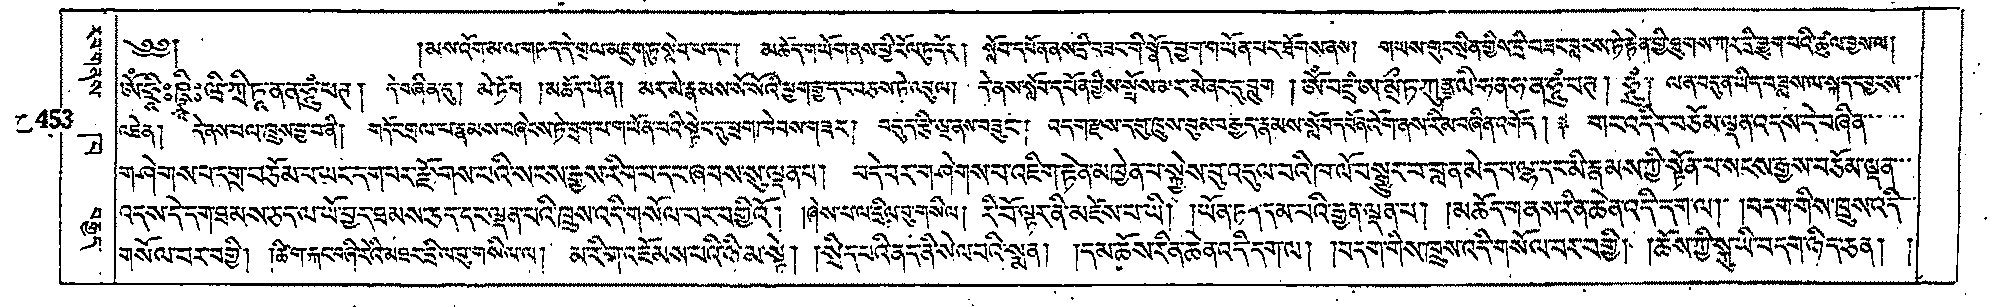༄༅། །མས་འོག་མ་ལ་གཏད་དེ་གྲལ་མཇུག་ཏུ་སླེབ་པ་དང་། མཆོད་གཡོག་ནས་ཕྱི་རོལ་ཏུ་དོར། སློབ་དཔོན་ནས་དྲི་བཟང་གི་སྣོད་ཕྱག་གཡོན་པར་ཐོགས་ནས། གཡས་གུང་སྲིན་གྱིས་དྲི་བཟང་བླངས་ཏེ་རྟེན་གྱི་ཐུགས་ཀར་དྲི་བྱུག་པའི་ཚུལ་བྱས་ལ།
ཨོཾ་ཧྲཱིཿཥྚྲཱིཿཝི་ཀྲི་ཏཱ་ན་ན་ཧཱུཾ་ཕཊ། དེ་བཞིན་དུ། མེ་ཏོག །མཆོད་ཡོན། མར་མེ་རྣམས་སོ་སོའི་ཕྱག་རྒྱ་དང་བཅས་ཏེ་འབུལ། དེ་ནས་སློབ་དཔོན་གྱིས་སྤོས་མར་མེ་ནང་དུ་བླུག་།ཨོཾ་བཛྲ་ཨ་མྲྀ་ཏ་ཀུཎྜ་ལི་ཧ་ན་ཧ་ན་ཧཱུཾ་ཕཊ། ཧཱུཾ༑ ལན་བདུན་ཡིད་བཟླས་ལ་སྐད་དབྱངས་
འཐེན། དེ་ནས་ཕལ་ཁྲུས་བྱ་བ་ནི། གདོང་གྲལ་པ་རྣམས་བཞེངས་ཏེ་ཕྲག་པ་གཡོན་པའི་སྟེང་དུ་ཕྲག་ཁེབས་གཟར། བདུད་རྩི་ལྔ་ནས་བཟུང་། འདག་རྫས་དགུ་ཁྲུས་བུམ་བརྒྱད་རྣམས་སློབ་དཔོན་འོག་ནས་རིམ་བཞིན་འགོད། འ་གང་འདིར་བཅོམ་ལྡན་འདས་དེ་བཞིན་
གཤེགས་པ་དགྲ་བཅོམ་པ་ཡང་དག་པར་རྫོགས་པའི་སངས་རྒྱས་རིག་པ་དང་ཞབས་སུ་ལྡན་པ། བདེ་བར་གཤེགས་པ་འཇིག་རྟེན་མཁྱེན་པ་སྐྱེས་བུ་འདུལ་བའི་ཁ་ལོ་བསྒྱུར་བ་བླ་ན་མེད་པ་ལྷ་དང་མི་རྣམས་ཀྱི་སྟོན་པ་སངས་རྒྱས་བཅོམ་ལྡན་
འདས་དེ་དག་ཐམས་ཅད་ལ་ཡོ་བྱང་ཐམས་ཅད་དང་ལྡན་པའི་ཁྲུས་འདི་གསོལ་བར་བགྱིའོ། །ཞེས་པ་ལ་དྲིལ་བུ་གསིལ།  རི་བོ་ལྟར་ནི་མཛེས་པ་ཡི། །ཡོན་ཏན་དམ་པའི་རྒྱན་ལྡན་པ། །མཆོད་གནས་རིན་ཆེན་འདི་དག་ལ། །བདག་གིས་ཁྲུས་འདི་
གསོལ་བར་བགྱི། །ཚིག་རྐང་བཞི་རེའི་མཐར་དྲིལ་བུ་གསིལ་ལ།  མ་རིག་འཇོམས་པའི་ཉི་མ་སྟེ། །སྲིད་པའི་ནད་ནི་སེལ་བའི་སྨན། །དམ་ཆོས་རིན་ཆེན་འདི་དག་ལ། །བདག་གིས་ཁྲུས་འདི་གསོལ་བར་བགྱི། །ཆོས་ཀྱི་སྐུ་ཡི་བདག་ཉིད་ཅན། །